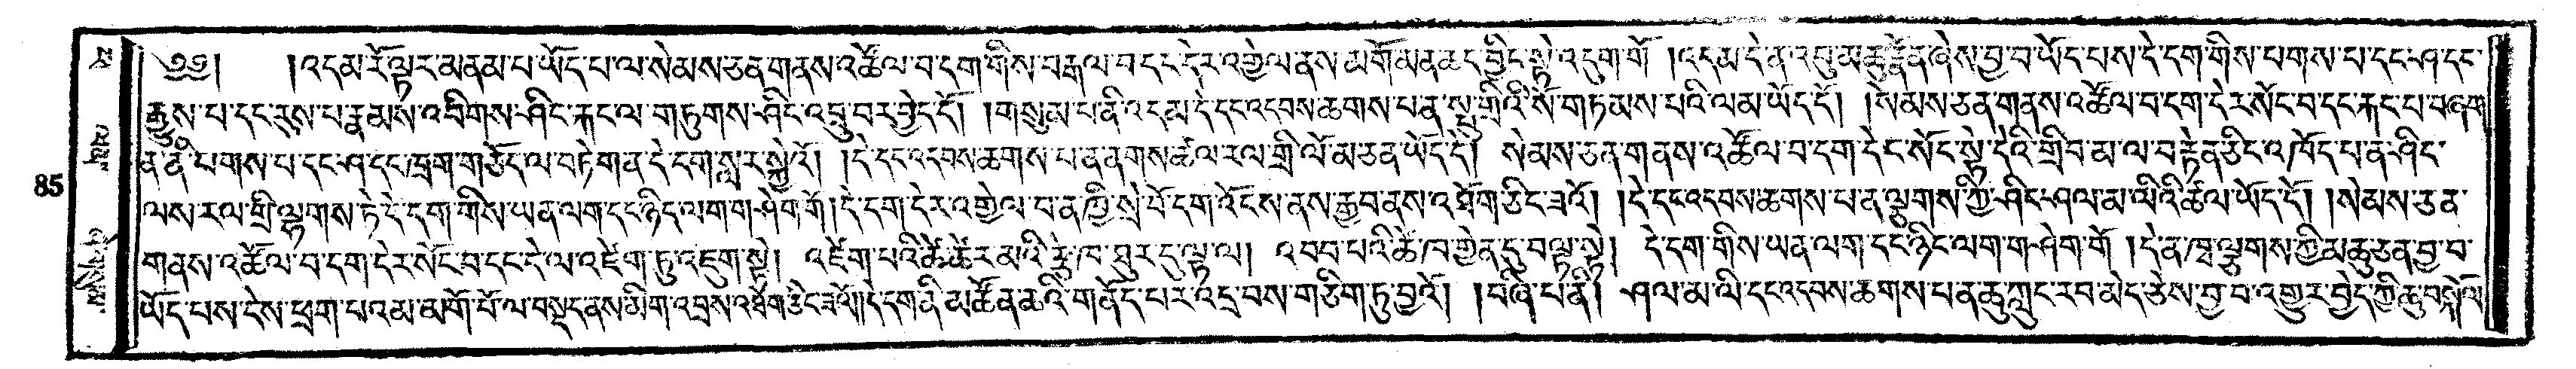༄༅། །འདམ་རོ་ལྟར་མནམ་པ་ཡོད་པ་ལ་སེམས་ཅན་གནས་འཚོལ་བ་དག་གིས་བརྒལ་བ་དང་དེར་འགྱེལ་ནས་མགོ་མན་ཆང་བྱིང་སྟེ་འདུག་གོ། །འདམ་དེ་ན་འབུ་ཆུ་རྣོན་ཞེས་བྱ་བ་ཡོད་པས་དེ་དག་གིས་པགས་པ་དང་ཤ་དང་
རྒྱུས་པ་དང་རུས་པ་རྣམས་འབིགས་ཤིང་རྐང་ལ་གཏུགས་ཤིང་འབྲུ་བར་བྱེད་དོ། །གསུམ་པ་ནི་འདམ་དེ་དང་འདབས་ཆགས་པ་ན་སྤུ་གྲིའི་སོ་གཏམས་པའི་ལམ་ཡོད་དོ། །སེམས་ཅན་གནས་འཚོལ་བ་དག་དེར་སོང་བ་དང་རྐང་པ་བཞག་
ན་ནི་པགས་པ་དང་ཤ་དང་ཁྲག་གཅོད་ལ་བཏེག་ན་དེ་དག་སླར་སྐྱེའོ། །དེ་དང་འདབས་ཆགས་པ་ན་ནགས་ཚལ་རལ་གྲི་ལོ་མ་ཅན་ཡོད་དེ། །སེམས་ཅན་གནས་འཚོལ་བ་དག་དེང་སོང་སྟེ་དེའི་གྲིབ་མ་ལ་བརྟེན་ཅིང་འཁོད་པ་ན་ཤིང་
ལས་རལ་གྲི་ལྷགས་ཏེ་དེ་དག་གིས་ཡན་ལག་དང་ཉིད་ལག་གཤེག་གོ། དེ་དག་དེར་འགྱེལ་བ་ན་ཁྱི་སྲེ་པོ་དག་འོངས་ནས་རྒྱབ་ནས་འཐོག་ཅིང་ཟའོ། །དེ་དང་འདབས་ཆགས་པ་ན་ལྕགས་ཀྱི་ཤིང་ཤལ་མ་ལིའི་ཚལ་ཡོད་དོ། །སེམས་ཅན་
གནས་འཚོལ་བ་དག་དེར་སོང་བ་དང་དེ་ལ་འཛེག་ཏུ་འཇུག་སྟེ། འཛེག་པའི་ཚེ་ཚེར་མའི་རྩེ་ཁ་ཐུར་དུ་ལྟ་ལ། འབབ་པའི་ཚེ་ཁ་གྱེན་དུ་བལྟ་སྟེ། དེ་དག་གིས་ཡན་ལག་དང་ཉིང་ལག་གཤེག་གོ། །དེ་ན་ཁྭ་ལྕགས་ཀྱི་མཆུ་ཅན་བྱ་བ་
ཡོད་པས་དེས་ཕྲག་པའམ་མགོ་པོ་ལ་བསྡད་ནས་མིག་འབྲས་འཐོག་ཅིང་ཟའོ། །དེ་དག་ནི་མཚོན་ཆའི་གནོད་པར་འདྲ་བས་གཅིག་ཏུ་བྱའོ། །བཞི་པ་ནི། ཤལ་མ་ལི་དང་འདབས་ཆགས་པ་ན་ཆུ་ཀླུང་རབ་མེད་ཅེས་བྱ་བ་འགྱུར་བྱེད་ཀྱི་ཆུ་བསྐོལ་